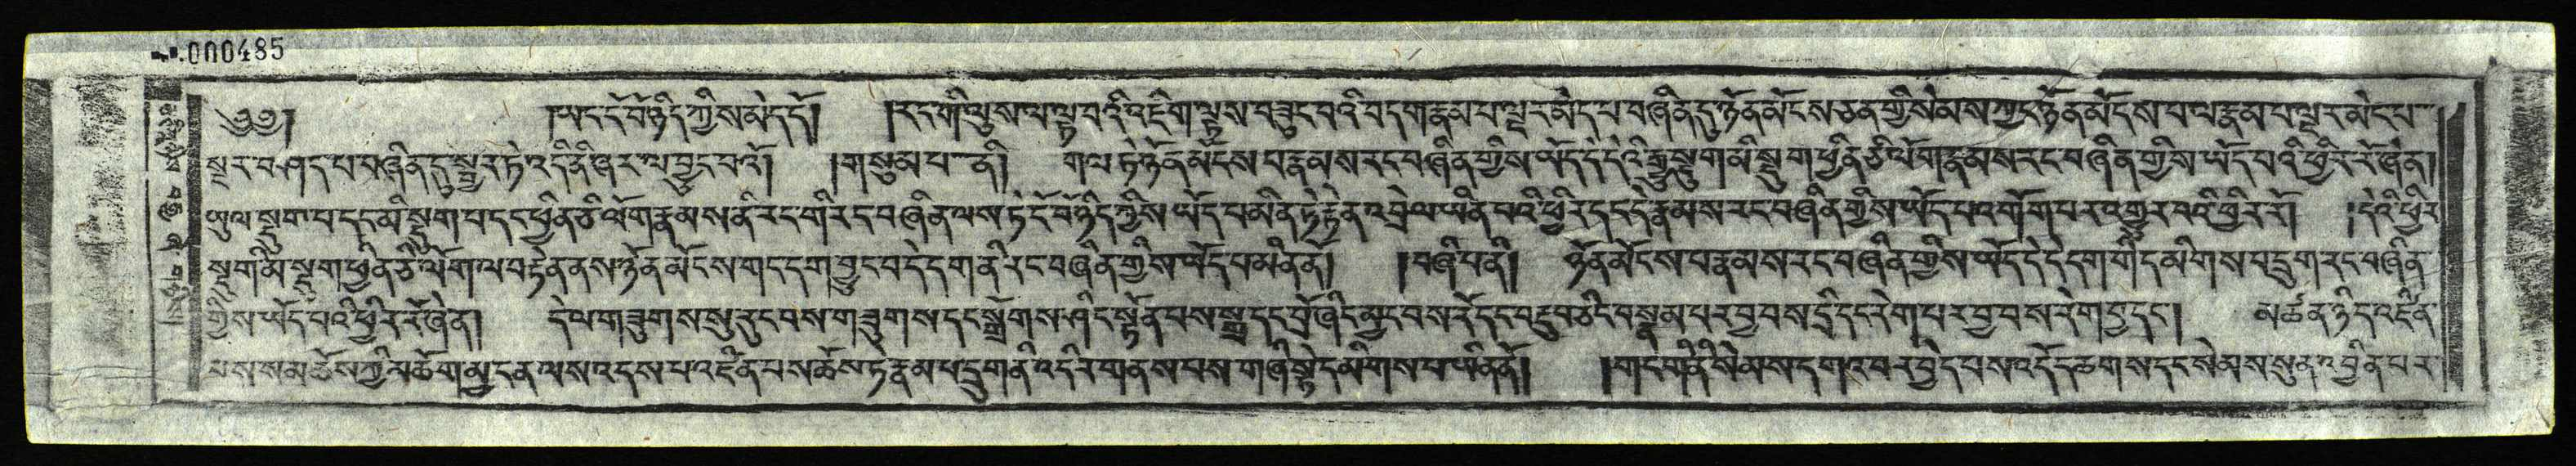༄༅། །ཡང་ངོ་བོ་ཉིད་ཀྱིས་མེད་དོ། །རང་གི་ལུས་ལ་ལྟ་བའི་འཇིག་ལྟས་བཟུང་བའི་བདག་རྣམ་པ་ལྔར་མེད་པ་བཞིན་དུ་ཉོན་མོངས་ཅན་གྱི་སེམས་ཀྱང་ཉོན་མོངས་པ་ལ་རྣམ་པ་ལྔར་མེད་པ་
སྔར་བཤད་པ་བཞིན་དུ་སྦྱར་ཏེ་འདི་ནི་ཞར་ལ་བྱུང་བའོ། །གསུམ་པ་ནི། གལ་ཏེ་ཉོན་མོངས་པ་རྣམས་རང་བཞིན་གྱིས་ཡོད་དེ་དེའི་རྒྱུ་སྡུག་མི་སྡུག་ཕྱིན་ཅི་ལོག་རྣམས་རང་བཞིན་གྱིས་ཡོད་པའི་ཕྱིར་རོ་ཞེ་ན།
ཡུལ་སྡུག་པ་དང་མི་སྡུག་པ་དང་ཕྱིན་ཅི་ལོག་རྣམས་ནི་རང་གི་རང་བཞིན་ལས་ཏེ་ངོ་བོ་ཉིད་ཀྱིས་ཡོད་པ་མིན་ཏེ་རྟེན་འབྲེལ་ཡིན་པའི་ཕྱིར་དང་དེ་རྣམས་རང་བཞིན་གྱིས་ཡོད་པ་འགོག་པར་འགྱུར་བའི་ཕྱིར་རོ། །དེའི་ཕྱིར་
སྡུག་མི་སྡུག་ཕྱིན་ཅི་ལོག་ལ་བརྟེན་ནས་ཉོན་མོངས་གང་དག་བྱུང་བ་དེ་དག་ནི་རང་བཞིན་གྱིས་ཡོད་པ་མིན་ནོ། །བཞི་པ་ནི། ཉོན་མོངས་པ་རྣམས་རང་བཞིན་གྱིས་ཡོད་དེ་དེ་དག་གི་དམིགས་པ་དྲུག་རང་བཞིན་
གྱིས་ཡོད་པའི་ཕྱིར་རོ་ཞེ་ན། དེ་ལ་གཟུགས་སུ་རུང་བས་གཟུགས་དང་སྒྲོགས་ཤིང་སྟོན་པས་སྒྲ་དང་བྲོ་ཞིང་མྱང་བས་རོ་དང་བརྫུབ་ཅིང་བསྣམ་པར་བྱ་བས་དྲི་དང་རེག་པར་བྱ་བས་རེག་བྱ་དང་། མཚན་ཉིད་འཛིན་
པས་སམ་ཆོས་ཀྱི་མཆོག་མྱ་ངན་ལས་འདས་པ་འཛིན་པས་ཆོས་ཏེ་རྣམ་པ་དྲུག་ནི་འདིར་གནས་པས་གཞི་སྟེ་དམིགས་པ་ཡིན་ནོ། །གང་གི་ནི་སེམས་དགའ་བར་བྱེད་པས་འདོད་ཆགས་དང་སེམས་སུན་འབྱིན་པར་